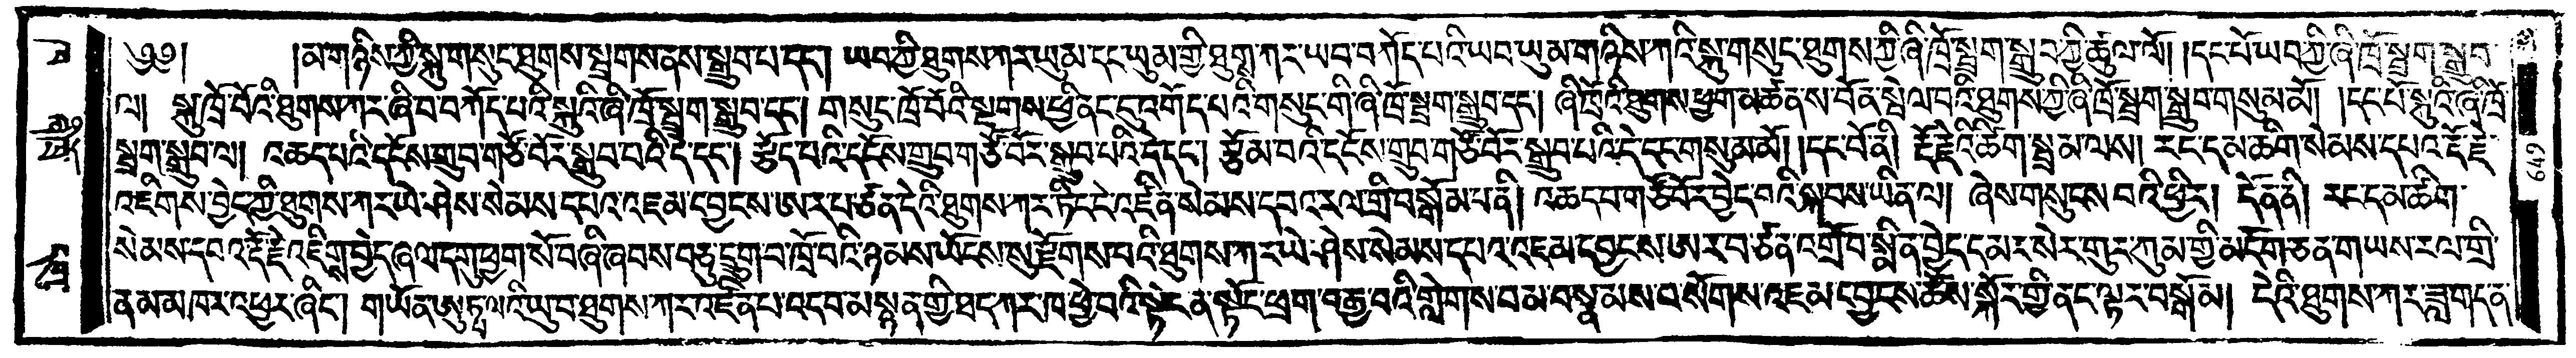༄༅། །མ་གཉིས་ཀྱི་སྐུ་གསུང་ཐུགས་སྦྲགས་ནས་སྒྲུབ་པ་དང་། ཡབ་ཀྱི་ཐུགས་ཀར་ཡུམ་དང་ཡུམ་གྱི་ཐུགས་ཀར་ཡབ་བཀོད་པའི་ཡབ་ཡུམ་གཉིས་ཀའི་སྐུ་གསུང་ཐུགས་ཀྱི་ཞི་ཁྲོ་སྦྲག་སྒྲུབ་ཀྱི་ཚུལ་ལོ། །དང་པོ་ཡབ་ཀྱི་ཞི་ཁྲོ་སྦྲག་སྒྲུབ་
ལ། སྐུ་ཁྲོ་བོའི་ཐུགས་ཀར་ཞི་བ་བཀོད་པའི་སྐུའི་ཞི་ཁྲོ་སྦྲག་སྒྲུབ་དང་། གསུང་ཁྲོ་བོའི་སྔགས་ཕྱི་ནང་དུ་འགོད་པའི་གསུང་གི་ཞི་ཁྲོ་སྦྲག་སྒྲུབ་དང་། ཞི་ཁྲོའི་ཐུགས་ཕྱག་མཚན་ས་བོན་སྤེལ་བའི་ཐུགས་ཀྱི་ཞི་ཁྲོ་སྦྲག་སྒྲུབ་གསུམ་མོ། །དང་པོ་སྐུའི་ཞི་ཁྲོ་
སྦྲག་སྒྲུབ་ལ། འཆད་པའི་དངོས་གྲུབ་གཙོ་བོར་སྒྲུབ་པའི་དེ་དང་། རྩོད་པའི་དངོས་གྲུབ་གཙོ་བོར་སྒྲུབ་པའི་དེ་དང་། རྩོམ་པའི་དངོས་གྲུབ་གཙོ་བོར་སྒྲུབ་པའི་དེ་དང་གསུམ་མོ། །དང་པོ་ནི། རྡོ་རྗེའི་ཚིག་སྦྲམ་ལས། རང་དམ་ཚིག་སེམས་དཔའ་རྡོ་རྗེ་
འཇིགས་བྱེད་ཀྱི་ཐུགས་ཀར་ཡེ་ཤེས་སེམས་དཔའ་འཇམ་དབྱངས་ཨ་ར་པ་ཙ་ན་དེའི་ཐུགས་ཀར་ཏིང་ངེ་འཛིན་སེམས་དཔའ་རལ་གྲི་བསྒོམ་པ་ནི། འཆད་པ་གཙོ་བོར་བྱེད་པའི་སྐབས་ཡིན་ལ། ཞེས་གསུངས་པའི་ཕྱིར། དོན་ནི། རང་དམ་ཚིག་
སེམས་དཔའ་རྡོ་རྗེ་འཇིགས་བྱེད་ཞལ་དགུ་ཕྱག་སོ་བཞི་ཞབས་བཅུ་དྲུག་པ་ཁྲོ་བའི་ཉམས་ཡོངས་སུ་རྫོགས་པའི་ཐུགས་ཀར་ཡེ་ཤེས་སེམས་དཔའ་འཇམ་དབྱངས་ཨ་ར་པ་ཙ་ན་འགྲོ་བ་སྨིན་བྱེད་དམར་སེར་གུར་ཀུམ་གྱི་མདོག་ཅན་གཡས་རལ་གྲི་
ནམ་མཁར་འཕྱར་ཞིང་། གཡོན་ཨུཏྤ་ལའི་ཡུ་བ་ཐུགས་ཀར་འཛིན་པ་འདབ་མ་སྙན་གྱི་ཐད་ཀར་ཁ་ཕྱེ་བའི་སྟེང་ན་སྟོང་ཕྲག་བརྒྱ་བའི་གླེགས་བམ་བསྣམས་པ་སོགས་འཇམ་དབྱངས་ཆོས་སྐོར་གྱི་ནང་ལྟར་བསྒོམ། དེའི་ཐུགས་ཀར་ཟླ་གདན་